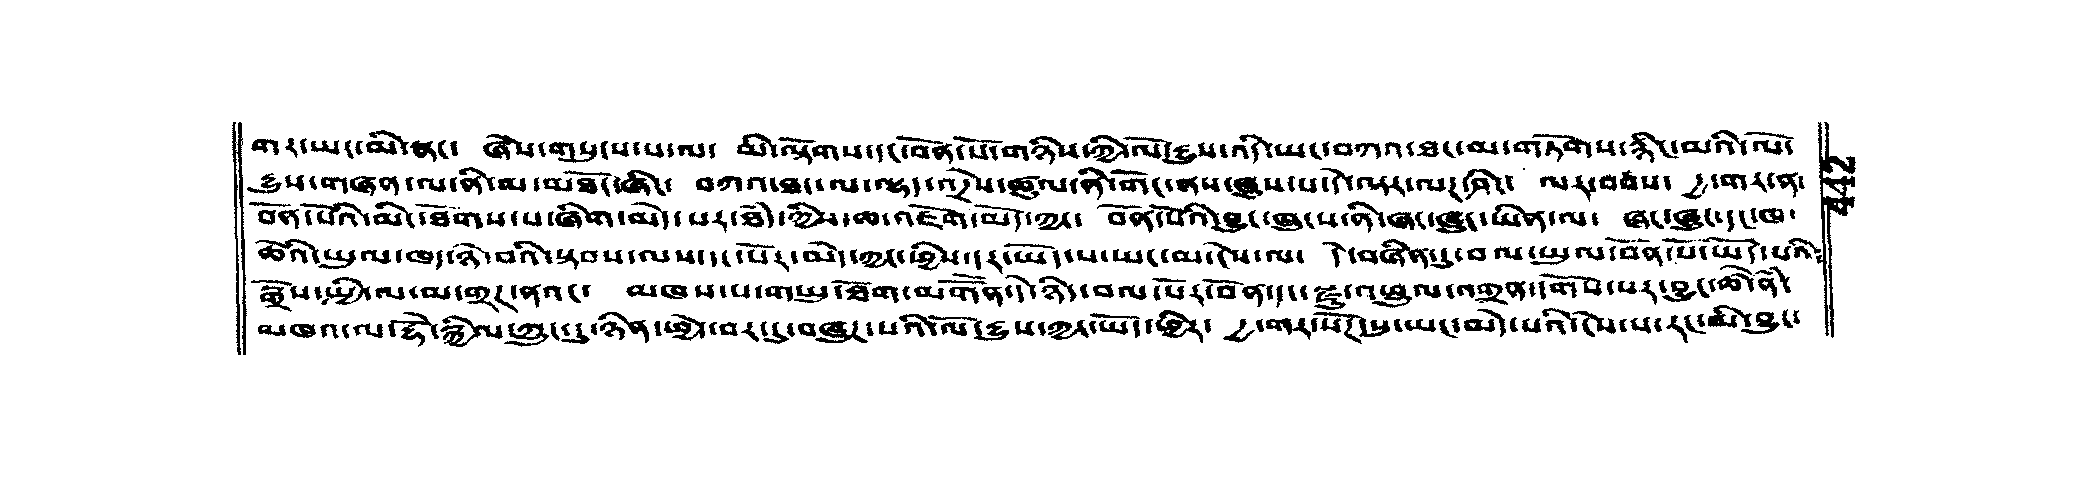གར་ཡང་མི་སྣང་། ཞེས་གསུངས་པ་ལ། མི་ལྟོགས་དང་བོན་པོ་གཉིས་ཀྱི་ལོ་རྒྱུས་འདི་ཡང་བཀའ་ཐང་མ་གཏོགས་རྙིང་མའི་ལོ་
རྒྱུས་གཞན་ལ་ནི་མ་མཐོང་ཞིང་། བཀའ་ཐང་ལ་ལྷད་འདྲེས་ཚུལ་ནི་གོང་ནས་ཞུས་པ་དེ་ལྟར་ལགས་ཤིང་། ལར་རྒྱ་གར་ན་
བོན་པོའི་མིང་ཐོགས་པ་ཞིག་མེད་པར་ཐམས་ཅད་ཀྱིས་ཆ་འཇོག་མོད་ཀྱང་། བོན་པོའི་བྱུང་ཁུངས་ནི་ཞང་ཞུང་ཡིན་ལ། ཞང་ཞུང་དང་ཁ་
ཆེའི་ཡུལ་ཁད་ཉེ་བའི་སྟབས་ལས་དང་པོར་མེད་ཀྱང་ཕྱིས་དར་ཡོད་པ་ཡང་མ་ངེས་ལ། དེ་བཞིན་དུ་བལ་ཡུལ་ན་བོན་པོ་ཡོད་པའི་
སྒྲོས་སྤྱི་ལ་མ་གྲགས་ནའང་། མཁས་པ་གཡུ་ཐོག་མགོན་པོ་དེ་ཉིད་བལ་པོར་བོན་དང་རྫུ་འཕྲུལ་འགྲན་དགོས་པར་བྱུང་ཚེ་ནམ་
མཁའ་ལ་རྡོ་རྗེ་སྐྱིལ་ཀྲུང་དུ་ཉིན་ཕྱེད་བར་དུ་བཞུགས་པའི་ལོ་རྒྱུས་ཀྱང་ཡོད་ཕྱིར། རྒྱ་གར་སོགས་སུ་ཡང་མེད་པའི་ངེས་པ་རང་མི་བྱུང་